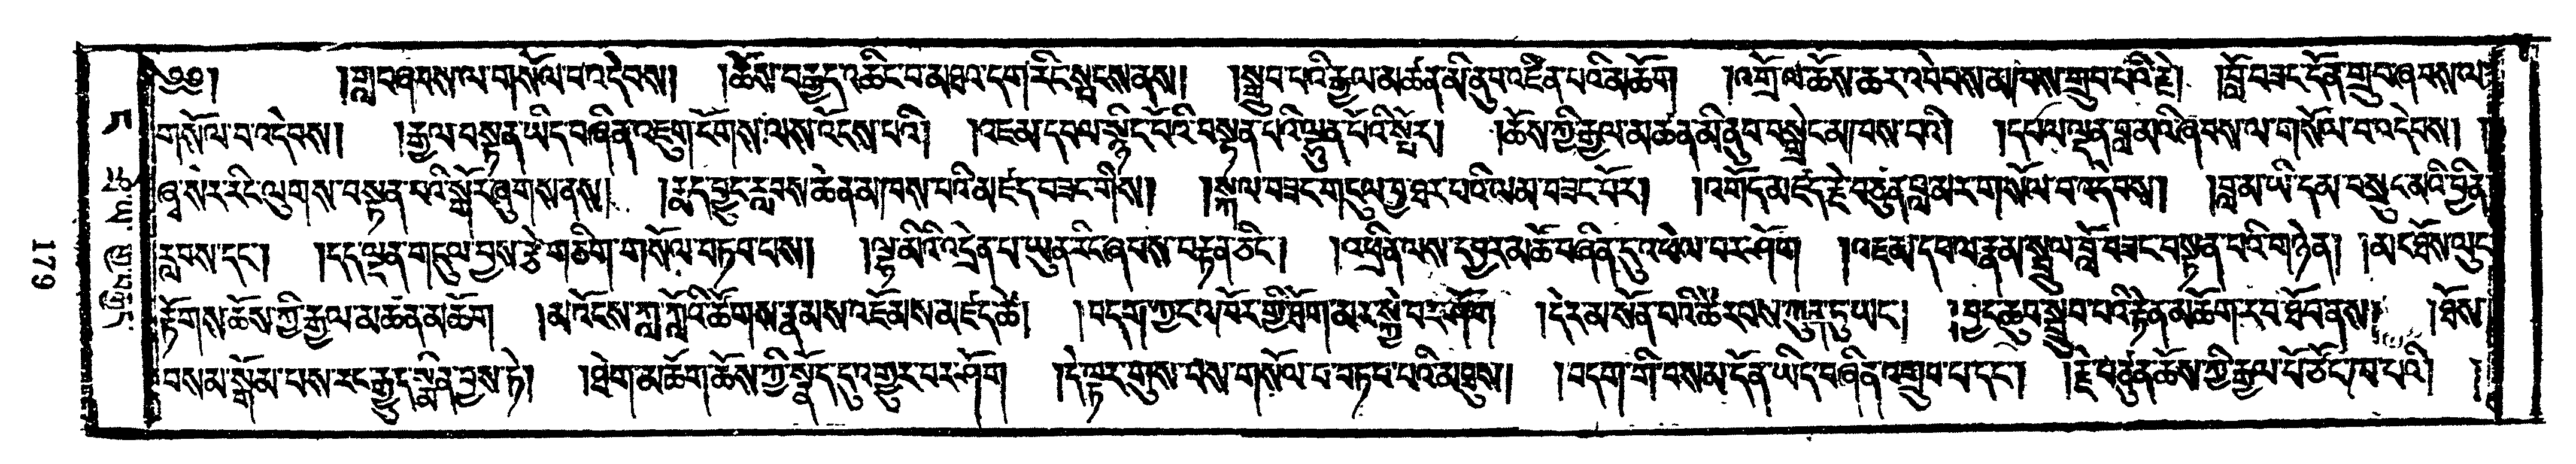༄༅། །གླང་ཞབས་ལ་གསོལ་བ་འདེབས། །ཆོས་བརྒྱད་འཆིང་བ་མཐའ་དག་རིང་སྤངས་ནས། །སྒྲུབ་པའི་རྒྱལ་མཚན་མི་ནུབ་འཛིན་པའི་མཆོག །འགྲོ་ལ་ཆོས་ཆར་འབེབས་མཁས་གྲུབ་པའི་རྗེ། །བློ་བཟང་དོན་གྲུབ་ཞབས་ལ་
གསོལ་བ་འདེབས། །རྒྱལ་བསྟན་ཡིད་བཞིན་འཇུག་དོགས་ལས་འོངས་པའི། །འཇམ་དཔལ་སྙིང་པོའི་བསྟན་པའི་ལྷུན་པོའི་སྤོར། །ཆོས་ཀྱི་རྒྱལ་མཚན་མི་ནུབ་བསྒྲེང་མཁས་པའི། །དཔལ་ལྡན་བླ་མའི་ཞབས་ལ་གསོལ་བ་འདེབས། །
ཞྭ་སེར་རིང་ལུགས་བསྟན་པའི་སྒོར་ཞུགས་ནས། །རྨད་བྱུང་རླབས་ཆེན་མཁས་པའི་མཛད་བཟང་གིས། །སྐལ་བཟང་གདུལ་བྱ་ཐར་པའི་ལམ་བཟང་པོར། །འགོད་མཛད་རྗེ་བཙུན་བླ་མར་གསོལ་བ་འདེབས། །བླ་མ་ཡི་དམ་བསྲུང་མའི་བྱིན་
རླབས་དང་། །དད་ལྡན་གདུལ་བྱས་རྩེ་གཅིག་གསོལ་བཏབ་པས། །ལྷ་མིའི་འདྲེན་པ་ཡུན་རིང་ཞབས་བརྟན་ཅིང་། །འཕྲིན་ལས་དབྱར་མཚོ་བཞིན་དུ་འཕེལ་བར་ཤོག །འཇམ་དཔལ་རྣམ་སྤྲུལ་བློ་བཟང་བསྟན་པའི་གཉེན། །མང་ཐོས་ལུང་
རྟོགས་ཆོས་ཀྱི་རྒྱལ་མཚན་མཆོག། །མ་འོངས་ཀླ་ཀློའི་ཚོགས་རྣམས་འཇོམས་མཛད་ཚེ། །བདག་ཀྱང་འཁོར་གྱི་ཐོག་མར་སྐྱེ་བར་ཤོག །དེར་མ་སོན་བའི་ཚེ་རབས་ཀུན་ཏུ་ཡང་། །བྱང་ཆུབ་སྒྲུབ་པའི་རྟེན་མཆོག་རབ་ཐོབ་ནས། །ཐོས་
བསམ་སྒོམ་པས་རང་རྒྱུད་སྨིན་བྱས་ཏེ། ཐེག་མཆོག་ཆོས་ཀྱི་སྣོད་དུ་འགྱུར་བར་ཤོག །དེ་ལྟར་གུས་པས་གསོལ་བ་བཏབ་པའི་མཐུས། །བདག་གི་བསམ་དོན་ཡིད་བཞིན་འགྲུབ་པ་དང་། །རྗེ་བཙུན་ཆོས་ཀྱི་རྒྱལ་པོ་ཙོང་ཁ་པའི། །